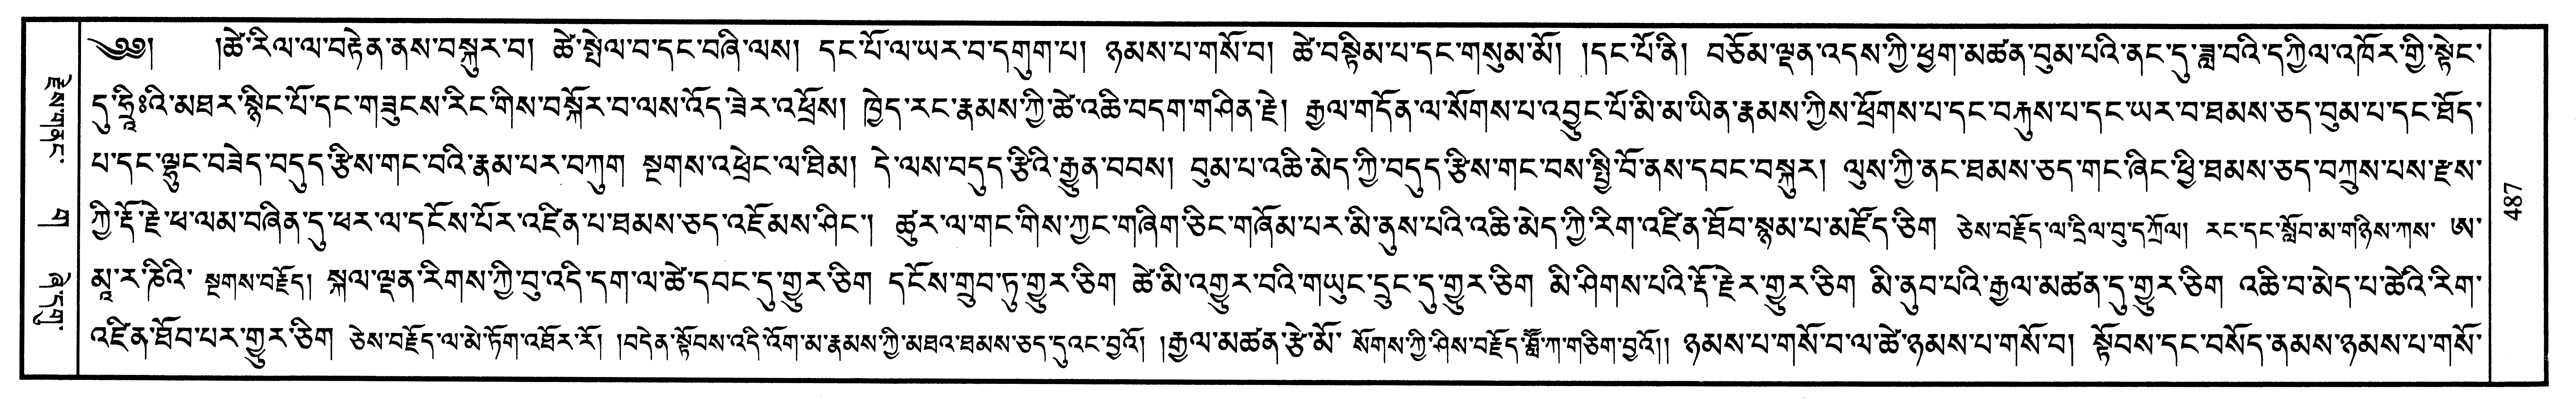༄༅། །ཚེ་རིལ་ལ་བརྟེན་ནས་བསྐུར་བ། ཚེ་སྤེལ་བ་དང་བཞི་ལས། དང་པོ་ལ་ཡར་བ་དགུག་པ། ཉམས་པ་གསོ་བ། ཚེ་བསྟིམ་པ་དང་གསུམ་མོ། །དང་པོ་ནི། བཅོམ་ལྡན་འདས་ཀྱི་ཕྱག་མཚན་བུམ་པའི་ནང་དུ་ཟླ་བའི་དཀྱིལ་འཁོར་གྱི་སྟེང་
དུ་ཧྲཱིཿའི་མཐར་སྙིང་པོ་དང་གཟུངས་རིང་གིས་བསྐོར་བ་ལས་འོད་ཟེར་འཕྲོས། ཁྱེད་རང་རྣམས་ཀྱི་ཚེ་འཆི་བདག་གཤིན་རྗེ། རྒྱལ་གདོན་ལ་སོགས་པ་འབྱུང་པོ་མི་མ་ཡིན་རྣམས་ཀྱིས་ཕྲོགས་པ་དང་བརྐུས་པ་དང་ཡར་བ་ཐམས་ཅད་བུམ་པ་དང་ཐོད་
པ་དང་ལྷུང་བཟེད་བདུད་རྩིས་གང་བའི་རྣམ་པར་བཀུག་སྔགས་འཕྲེང་ལ་ཐིམ། དེ་ལས་བདུད་རྩིའི་རྒྱུན་བབས། བུམ་པ་འཆི་མེད་ཀྱི་བདུད་རྩིས་གང་བས་སྤྱི་བོ་ནས་དབང་བསྐུར། ལུས་ཀྱི་ནང་ཐམས་ཅད་གང་ཞིང་ཕྱི་ཐམས་ཅད་བཀྲུས་པས་རྫས་
ཀྱི་རྡོ་རྗེ་ཕ་ལམ་བཞིན་དུ་ཕར་ལ་དངོས་པོར་འཛིན་པ་ཐམས་ཅད་འཇོམས་ཤིང་། ཚུར་ལ་གང་གིས་ཀྱང་གཞིག་ཅིང་གཞོམ་པར་མི་ནུས་པའི་འཆི་མེད་ཀྱི་རིག་འཛིན་ཐོབ་སྙམ་པ་མཛོད་ཅིག་ཅེས་བརྗོད་ལ་དྲིལ་བུ་དཀྲོལ། རང་དང་སློབ་མ་གཉིས་ཀས། ཨ་
མཱ་ར་ཎིའི་སྔགས་བརྗོད། སྐལ་ལྡན་རིགས་ཀྱི་བུ་འདི་དག་ལ་ཚེ་དབང་དུ་གྱུར་ཅིག །དངོས་གྲུབ་ཏུ་གྱུར་ཅིག། ཚེ་མི་འགྱུར་བའི་གཡུང་དྲུང་དུ་གྱུར་ཅིག། མི་ཤིགས་པའི་རྡོ་རྗེར་གྱུར་ཅིག། མི་ནུབ་པའི་རྒྱལ་མཚན་དུ་གྱུར་ཅིག། འཆི་བ་མེད་པ་ཚེའི་རིག་
འཛིན་ཐོབ་པར་གྱུར་ཅིག། ཅེས་བརྗོད་ལ་མེ་ཏོག་འཐོར་རོ། །བདེན་སྟོབས་འདི་འོག་མ་རྣམས་ཀྱི་མཐའ་ཐམས་ཅད་དུའང་བྱའོ། །རྒྱལ་མཚན་རྩེ་མོ་སོགས་ཀྱི་ཤིས་བརྗོད་ཤླཽ་ཀ་གཅིག་བྱའོ།། ཉམས་པ་གསོ་བ་ལ་ཚེ་ཉམས་པ་གསོ་བ། སྟོབས་དང་བསོད་ནམས་ཉམས་པ་གསོ་